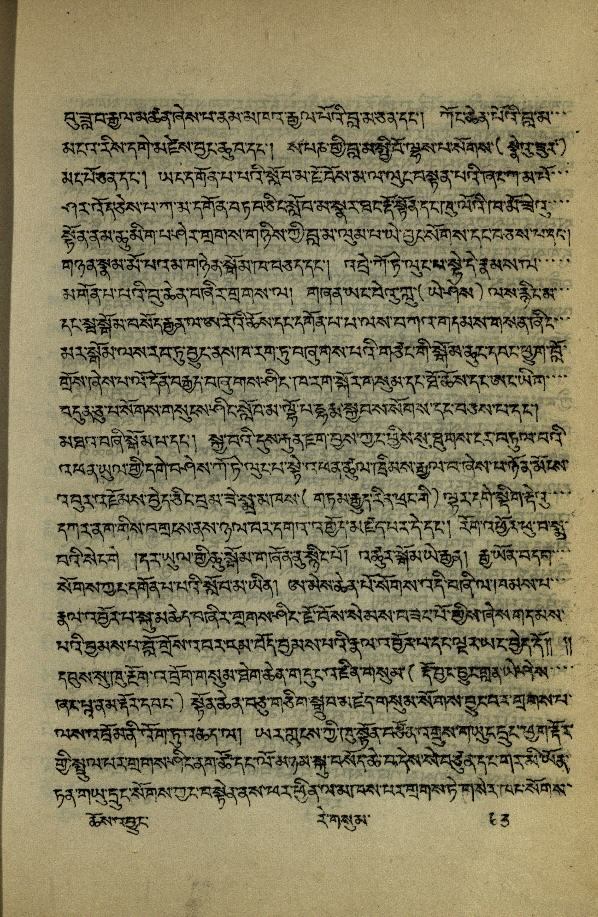བུ་ཟླ་བ་རྒྱལ་མཚན་ཞེས་པ་ནམ་མཁའ་རྒྱལ་པོའི་བླ་མ་ཅན་དང་། ཀོང་ཆེན་པོའི་བླ་མ་
མངའ་རིས་དགེ་མཛེས་བྱང་ཆུབ་དང་། ས་པཎ་གྱི་བླ་མ་སྤྱི་བོ་ལྷས་པ་སོགས་སྣེའུ་ཟུར
མང་པོ་ཅན་དང་། ཡང་དགོན་པ་པའི་སློབ་མ་ཇོ་བོས་མ་ལ་ལུང་བསྟན་པའི་ཞང་ཀ་མ་པོ་
ཤར་འོད་ཅེས་པ་ཀ་མ་དགོན་བཏབ་ཅིང་སློབ་མ་སྣར་ཐང་རྡོ་སྟོན་དང་ཁུ་ལོའི་ཁ་མོ་ཟེའུ་
སྟོན་ནམ་ཆུ་མིག་པ་ཤེར་གྲགས་གཉིས་ཀྱི་བླ་མ་ལུམ་པ་ཡེ་བྱང་སོགས་དང་བཅས་པ་དང་།
གཉན་སྣམ་མོ་པའམ་གཉེན་སྒོམ་ཁ་བཅད་དང་། འབྲེ་ཀོ་ཏེ་ལུང་པ་སྟེ་དེ་རྣམས་ལ་
མགོན་པ་པའི་བུ་ཆེན་བཞིར་གྲགས་ལ། གཞན་ཡང་བེའུ་ཀླུ་ཡེ་ཤེས་ལས་རྙིང་མ་
དང་སྦ་སྒོམ་བསོད་རྒྱན་ལ་ཨ་རོའི་ཆོས་དང་དགོན་པ་པ་ལས་བཀའ་གདམས་གསན་ཞིང་
མར་སྒོམ་ལས་རབ་ཏུ་བྱུང་ནས་ཁ་རག་ཏུ་བཞུགས་པའི་གཙང་གི་སྒོམ་ཆུང་དབང་ཕྱུག་བློ་
གྲོས་ཞེས་པ་ལོ་དོན་བརྒྱད་བཞུགས་ཤིང་ཁ་རག་སྐོར་གསུམ་དང་ཐོ་ཆོས་དང་ཨང་ཡིག་
བདུན་ཅུ་པ་སོགས་གསུངས་ཤིང་སློབ་མ་ལྷོ་པ་དྷརྨ་སྐྱབས་སོགས་དང་བཅས་པ་དང་།
མཐའ་བཞི་སྒོམ་པ་དང་། སྐྱ་བའི་དུས་རྐུན་ཇག་བྱས་ཀྱང་ཕྱིས་སུ་ཐུགས་ངར་བཏུལ་བའི་
འཕན་ཡུལ་གྱི་དགེ་བཤེས་ཀོ་ཏེ་ལུང་པ་སྟེ་འཕན་ཚུལ་ཁྲིམས་རྒྱལ་བ་ཞེས་པ་ཉོན་མོངས་
འབུར་འཇོམས་བྱེད་ཅིང་བྲམ་ཟེ་སྨྲ་མཁས་གཏམ་རྒྱུད་རིན་ཕྲང་གི་ལྟར་དགེ་སྡིག་རྡེའུ་
དཀར་ནག་གིས་བགྲངས་ནས་ཉལ་བར་དགའ་འགྱོད་མཛད་པར་དེ་དང་། རོག་འཕྱོར་ཕུ་བ་སྨྲ་
བའི་སེང་གེ །དར་ཡུལ་གྱི་ཆུ་སྒོམ་གཞོན་ནུ་སྙིང་པོ། འཚུར་སྒོམ་ཡེ་རྒྱན། རྒྱ་ཡོན་བདག་
སོགས་ཀྱང་དགོན་པ་པའི་སློབ་མ་ཡིན། ཨ་མེས་ཆེན་པོ་སོགས་འདི་བཞི་ལ་ཁམས་པ་
རྣལ་འབྱོར་པ་སྐུ་མཆེད་བཞིར་གྲགས་ཤིང་ཇོ་བོས་སེམས་བཟང་པོ་གྱིས་ཞེས་གདམས་
པའི་བྱམས་པ་བློ་གྲོས་འབར་དམ་བོད་བྱམས་པའི་རྣལ་འབྱོར་པ་དང་ལྔར་ཡང་བྱེད་དོ།། །།
དབུས་སུ་ཁུ་རྔོག?་འབྲོག་གསུམ་ཐེག་ཆེན་གདུང་འཛིན་གསུམ་རྡོ་བྱང་བྱུང་གླན་ཡེ་ཤེས་
ཞག་པཱ་ནམ་རྡོར་དབང་སྟོན་ཆེན་བཅུ་གཅིག་སྒྲུབ་མཛད་གསུམ་སོགས་བྱུང་བར་གྲགས་པ་
ལས་འབྲོམ་ནི་འོག་ཏུ་འཆད་ལ། ཡར་ཀླུངས་ཀྱི་ཁུ་སྟོན་བརྩོན་འགྲུས་གཡུང་དྲུང་ཕྱག་རྡོར་
གྱི་སྦྲུལ་པར་གྲགས་ཤིང་ནག་ཚོ་དང་ལོ་མཉམ་སྐུ་བསོད་ཆེ་བ་དེས་སེ་བཙུན་དང་གར་མི་ཡོན་
ཏན་གཡུ་དྲུང་སོགས་ཀྱང་བསྟེན་ནས་ཕར་ཕྱིན་ལ་མཁས་པར་གྲགས་ཏེ་གསེར་ཁང་སོགས་